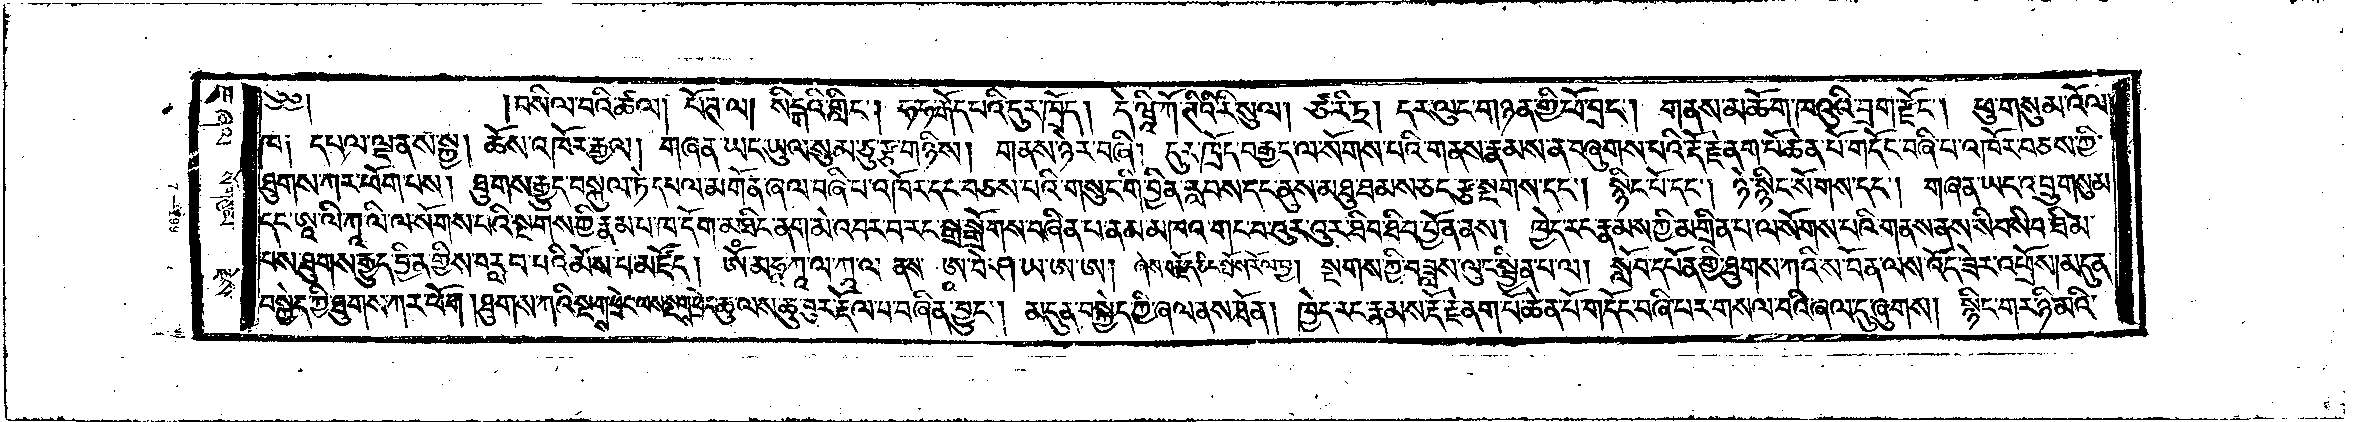༄༅། །བསིལ་བའི་ཚལ། པོ་ཊ་ལ། སིངྒའི་གླིང་། ཧ་ཧ་རྒོད་པའི་དུར་ཁྲོད། དེ་ཝཱི་ཀོ་ཊིའ་རི་སུལ། ཙ་རི་ཏྲ། དར་ལུང་གཉན་གྱི་ཕོ་བྲང་། གནས་མཆོག་ཁཱུའི་བྲག་རྫོང་། ཕུ་གསུམ་དོལ་
ཁ༑ དཔལ་ལྡན་ས་སྐྱ། ཆོས་འཁོར་རྒྱལ། གཞན་ཡང་ཡུལ་སུམ་ཅུ་རྩ་གཉིས། གནས་ཉེར་བཞི། དུར་ཁྲོད་བརྒྱད་ལ་སོགས་པའི་གནས་རྣམས་ན་བཞུགས་པའི་རྡོ་རྗེ་ནག་པོ་ཆེན་པོ་གདོང་བཞི་པ་འཁོར་བཅས་ཀྱི་
ཐུགས་ཀར་ཕོག་པས། ཐུགས་རྒྱུད་བསྐུལ་ཏེ་དཔལ་མགོན་ཞལ་བཞི་བ་འཁོར་དང་བཅས་པའི་གསུང་གི་བྱིན་རླབས་དང་ནུས་མཐུ་ཐམས་ཅད་རྩ་སྔགས་དང་། སྙིང་པོ་དང་། ཉེ་སྙིང་སོགས་དང་། གཞན་ཡང་འབྲུ་གསུམ་
དང་ཨཱ་ལི་ཀཱ་ལི་ལ་སོགས་པའི་སྔགས་ཀྱི་རྣམ་པ་ཁ་དོག་མཐིང་ནག་མེ་འབར་བ་རང་སྒྲ་སྒྲོགས་བཞིན་པ་ནམ་མཁའ་གང་བ་འུར་ཐིབ་ཐིབ་བྱོན་ནས། ཁྱེད་རང་རྣམས་ཀྱི་མགྲིན་པ་ལ་སོགས་པའི་གནས་ནས་སིབ་སིབ་ཐིམ་
བས་ཐུགས་རྒྱུད་བྱིན་གྱིས་བརླབ་པའི་མོས་པ་མཛོད། ཨོཾ་མཧཱ་ཀཱ་ལ་ཀཱ་ལ་ནས་ཨཱ་བེ་ཤ་ཡ་ཨ་ཨ། ཞེས་བརྗོད་ཅིང་སྤོས་རོལ་བྱ།  སྔགས་ཀྱི་བཟླས་ལུང་སྦྱིན་པ་ལ། སློབ་དཔོན་གྱི་ཐུགས་ཀའི་ས་བོན་ལས་འོད་ཟེར་འཕྲོས། མདུན་
བསྐྱེད་ཀྱི་ཐུགས་ཀར་ཕོག །ཐུགས་ཀའི་སྔགས་ཕྲེང་ལས་སྔགས་ཕེང་ཆུ་ལས་ཆུ་བུར་རྡོལ་བ་བཞིན་བྱུང་། མདུན་བསྐྱེད་ཀྱི་ཞལ་ནས་ཐོན། ཁྱེད་རང་རྣམས་རྡོ་རྗེ་ནག་པོ་ཆེན་པོ་གདོང་བཞི་པར་གསལ་བའི་ཞལ་དུ་ཞུགས། སྙིང་གར་ཉི་མའི་